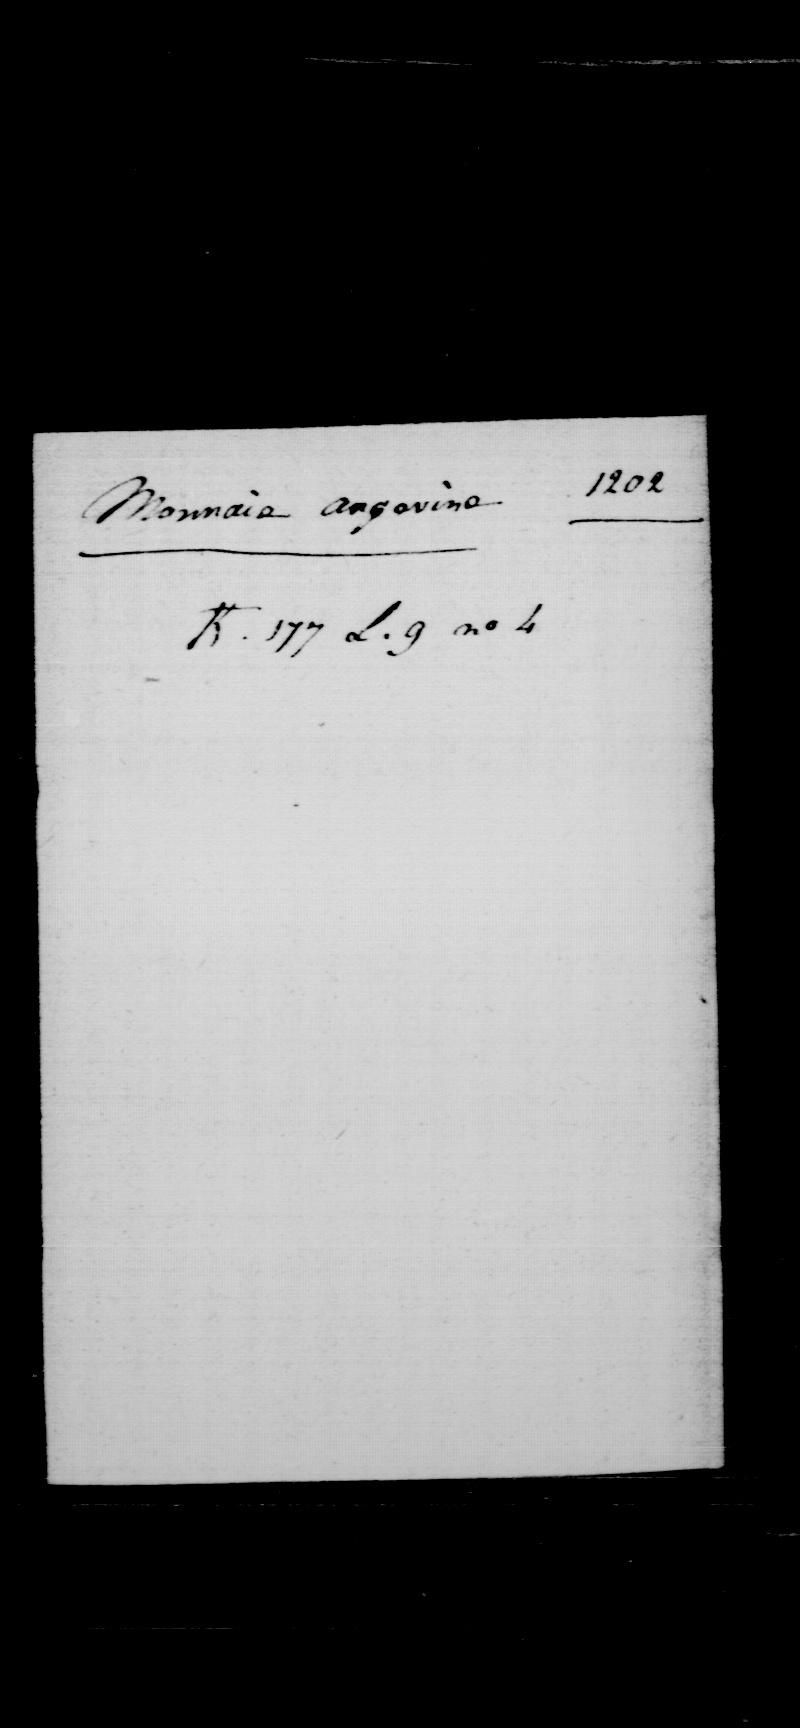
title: Monnaie angevine
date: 1202
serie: K
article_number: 177
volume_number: liasse 9 n° 4
